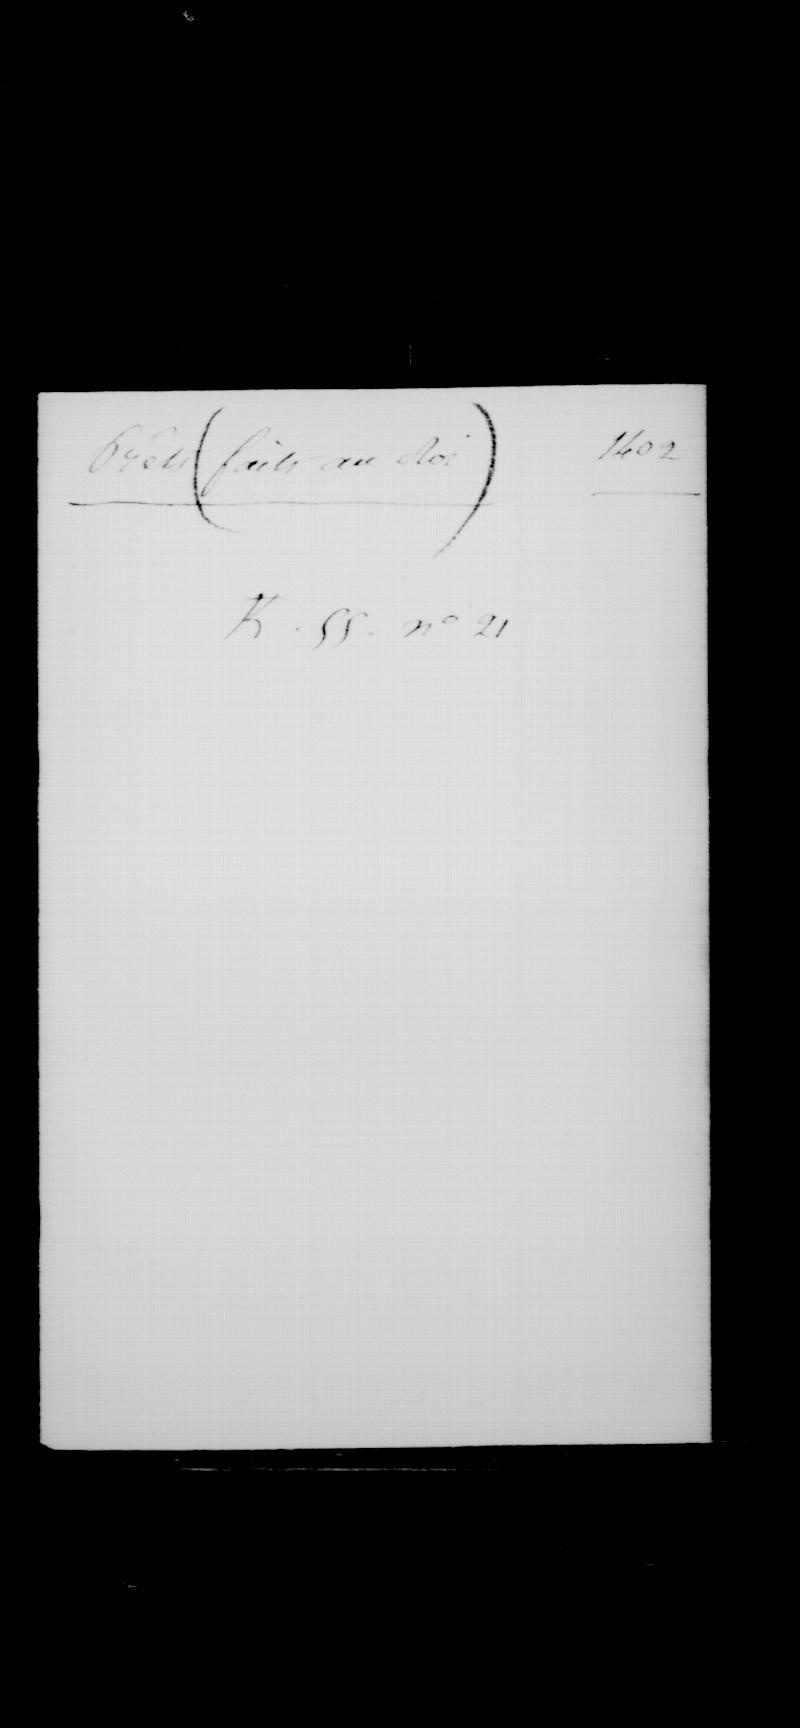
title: Prêts (faits au roi)
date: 1402
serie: K
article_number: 55
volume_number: n° 21
